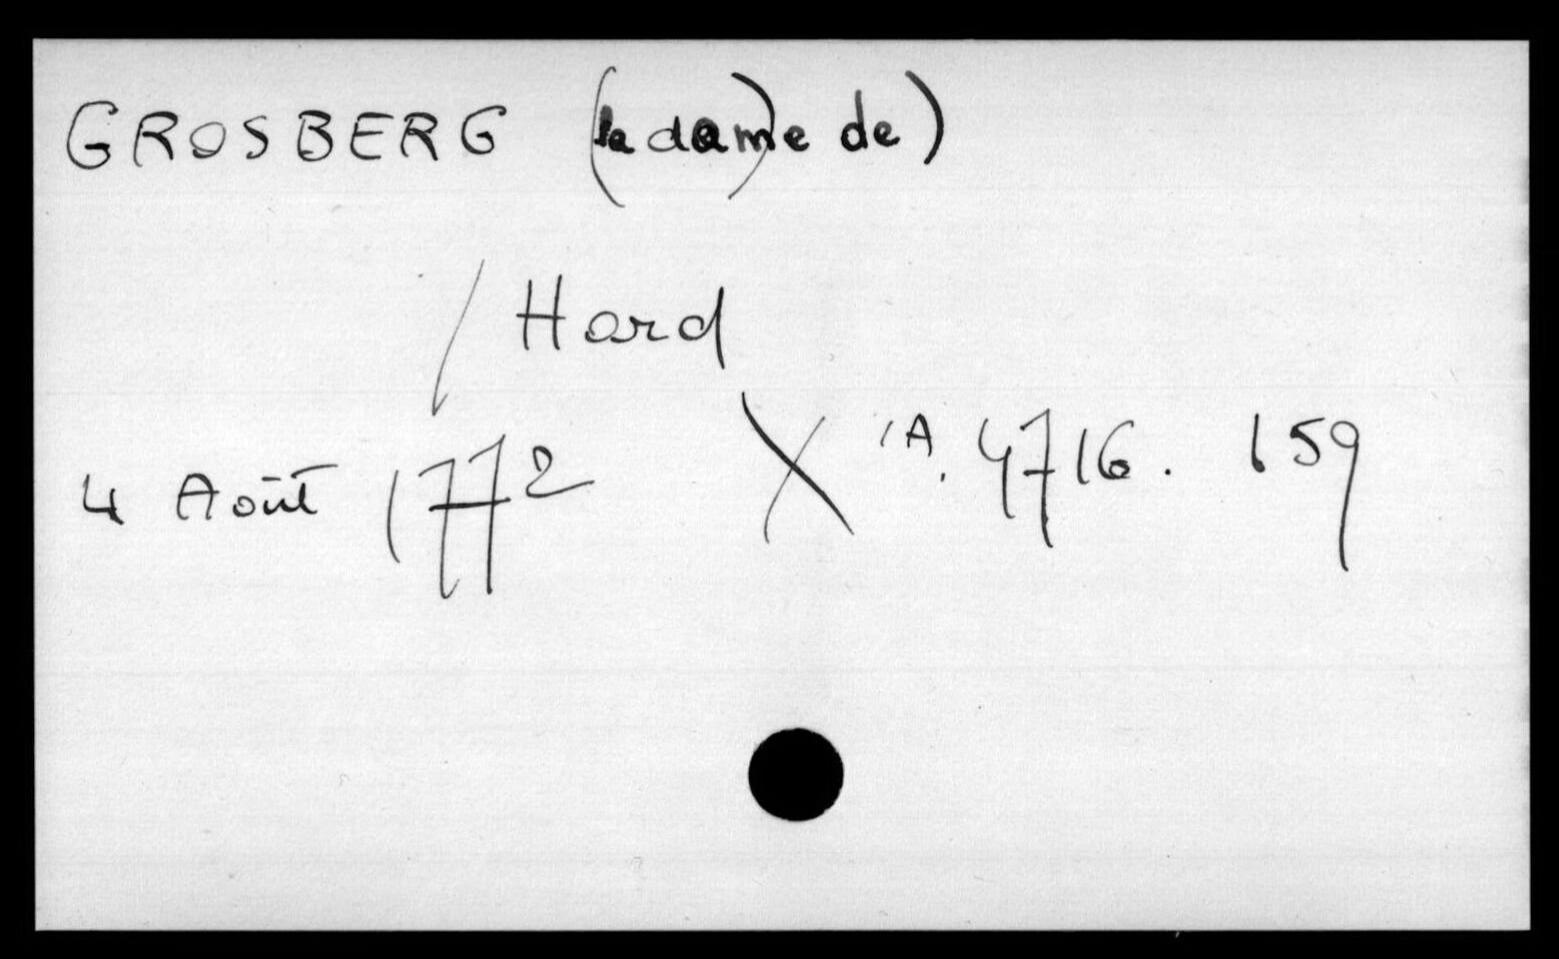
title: GROSBERG (la dame de)
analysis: Contre Hard
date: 4 août 1772
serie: X1A
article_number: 4716
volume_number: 159
